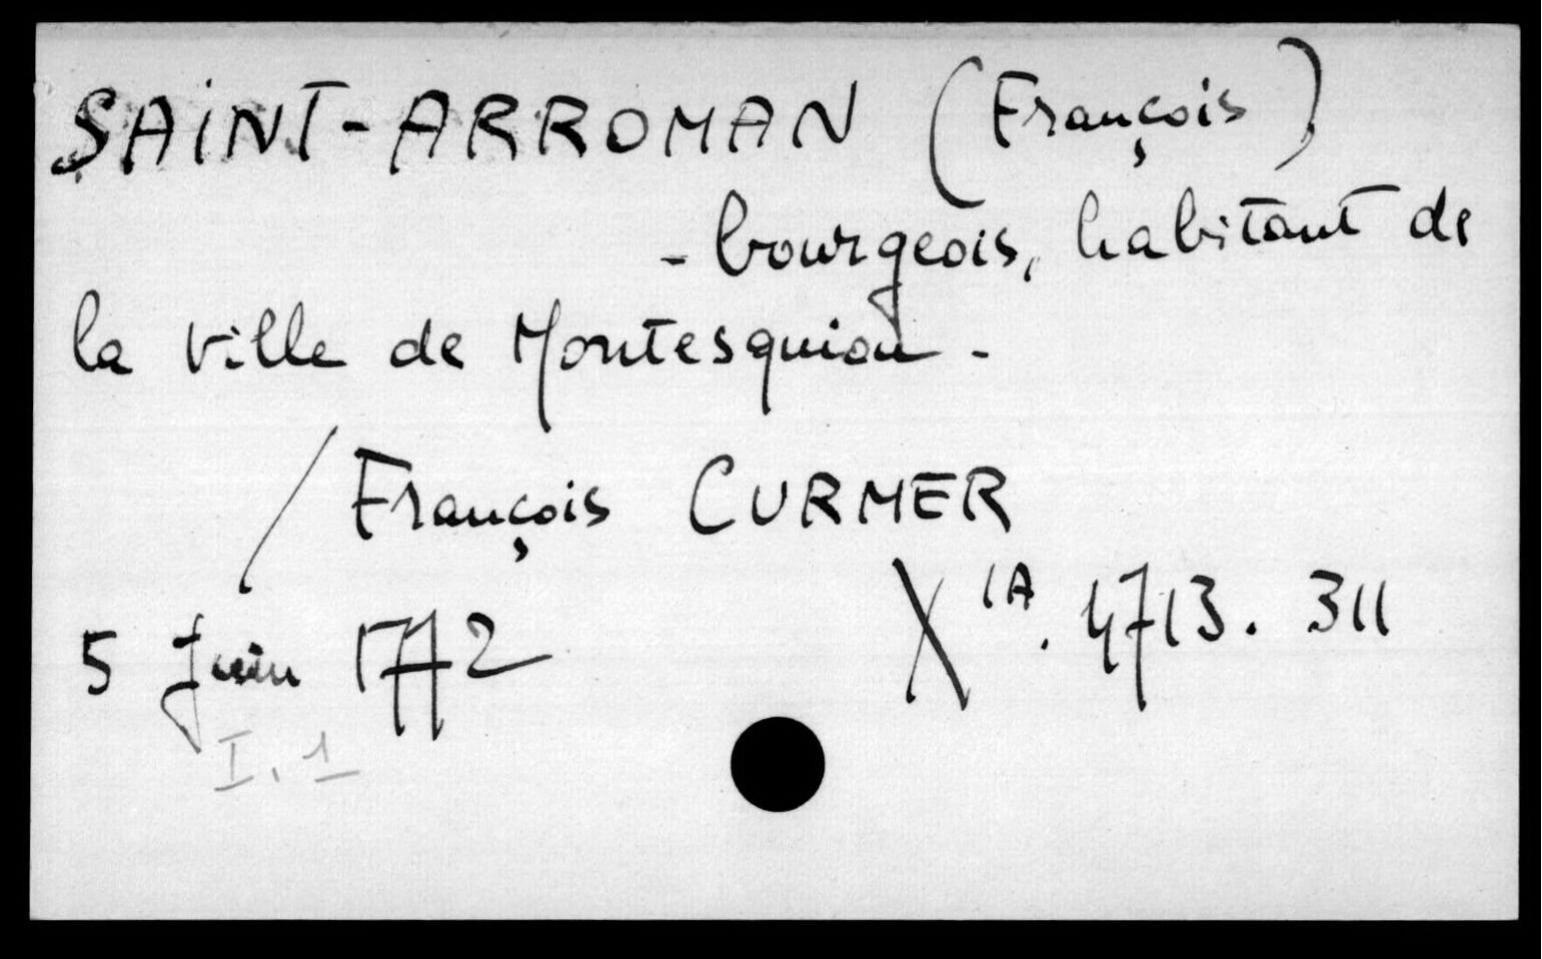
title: SAINT-ARROMAN (François) - bourgeois, habitant de la ville de Montesquion
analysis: Contre François CURMER
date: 5 juin 1772
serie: X1A
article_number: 4713
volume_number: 311
